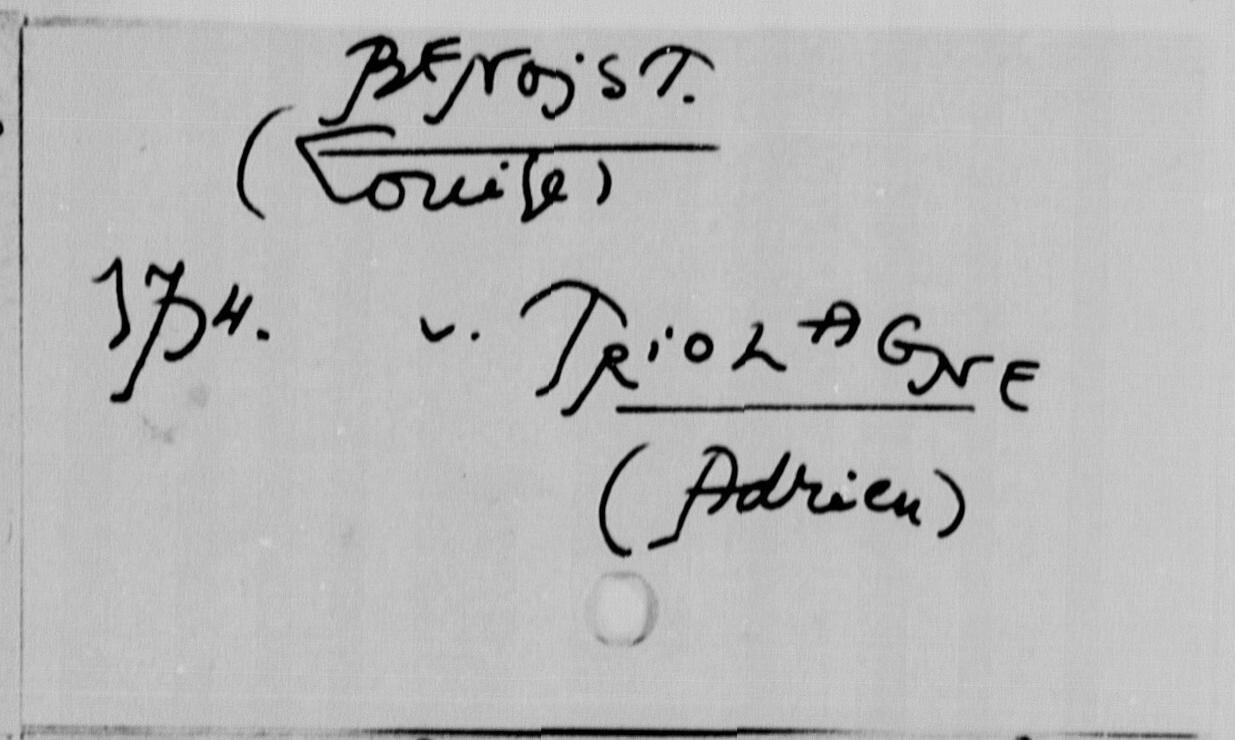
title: BENOIST (Louise)
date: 1714
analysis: Voir : TRIOLAGNE (Adrien)
